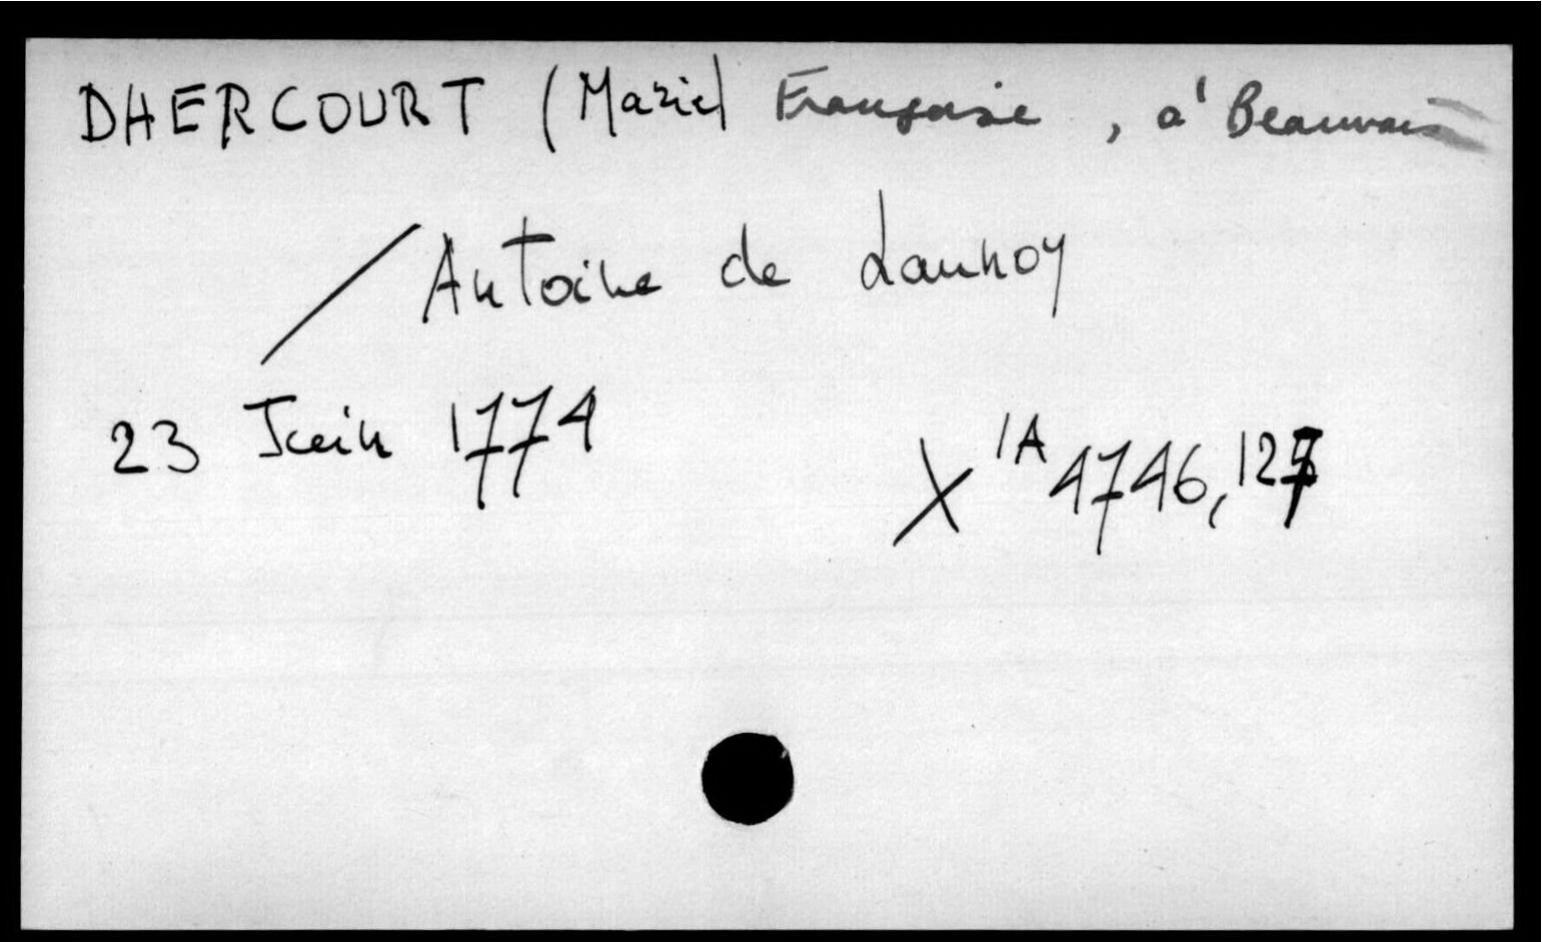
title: DHERCOURT (Marie Françoise), à Beauvais
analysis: Contre Antoine de Launoy
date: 23 juin 1774
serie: X1A
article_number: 4746
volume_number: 127
